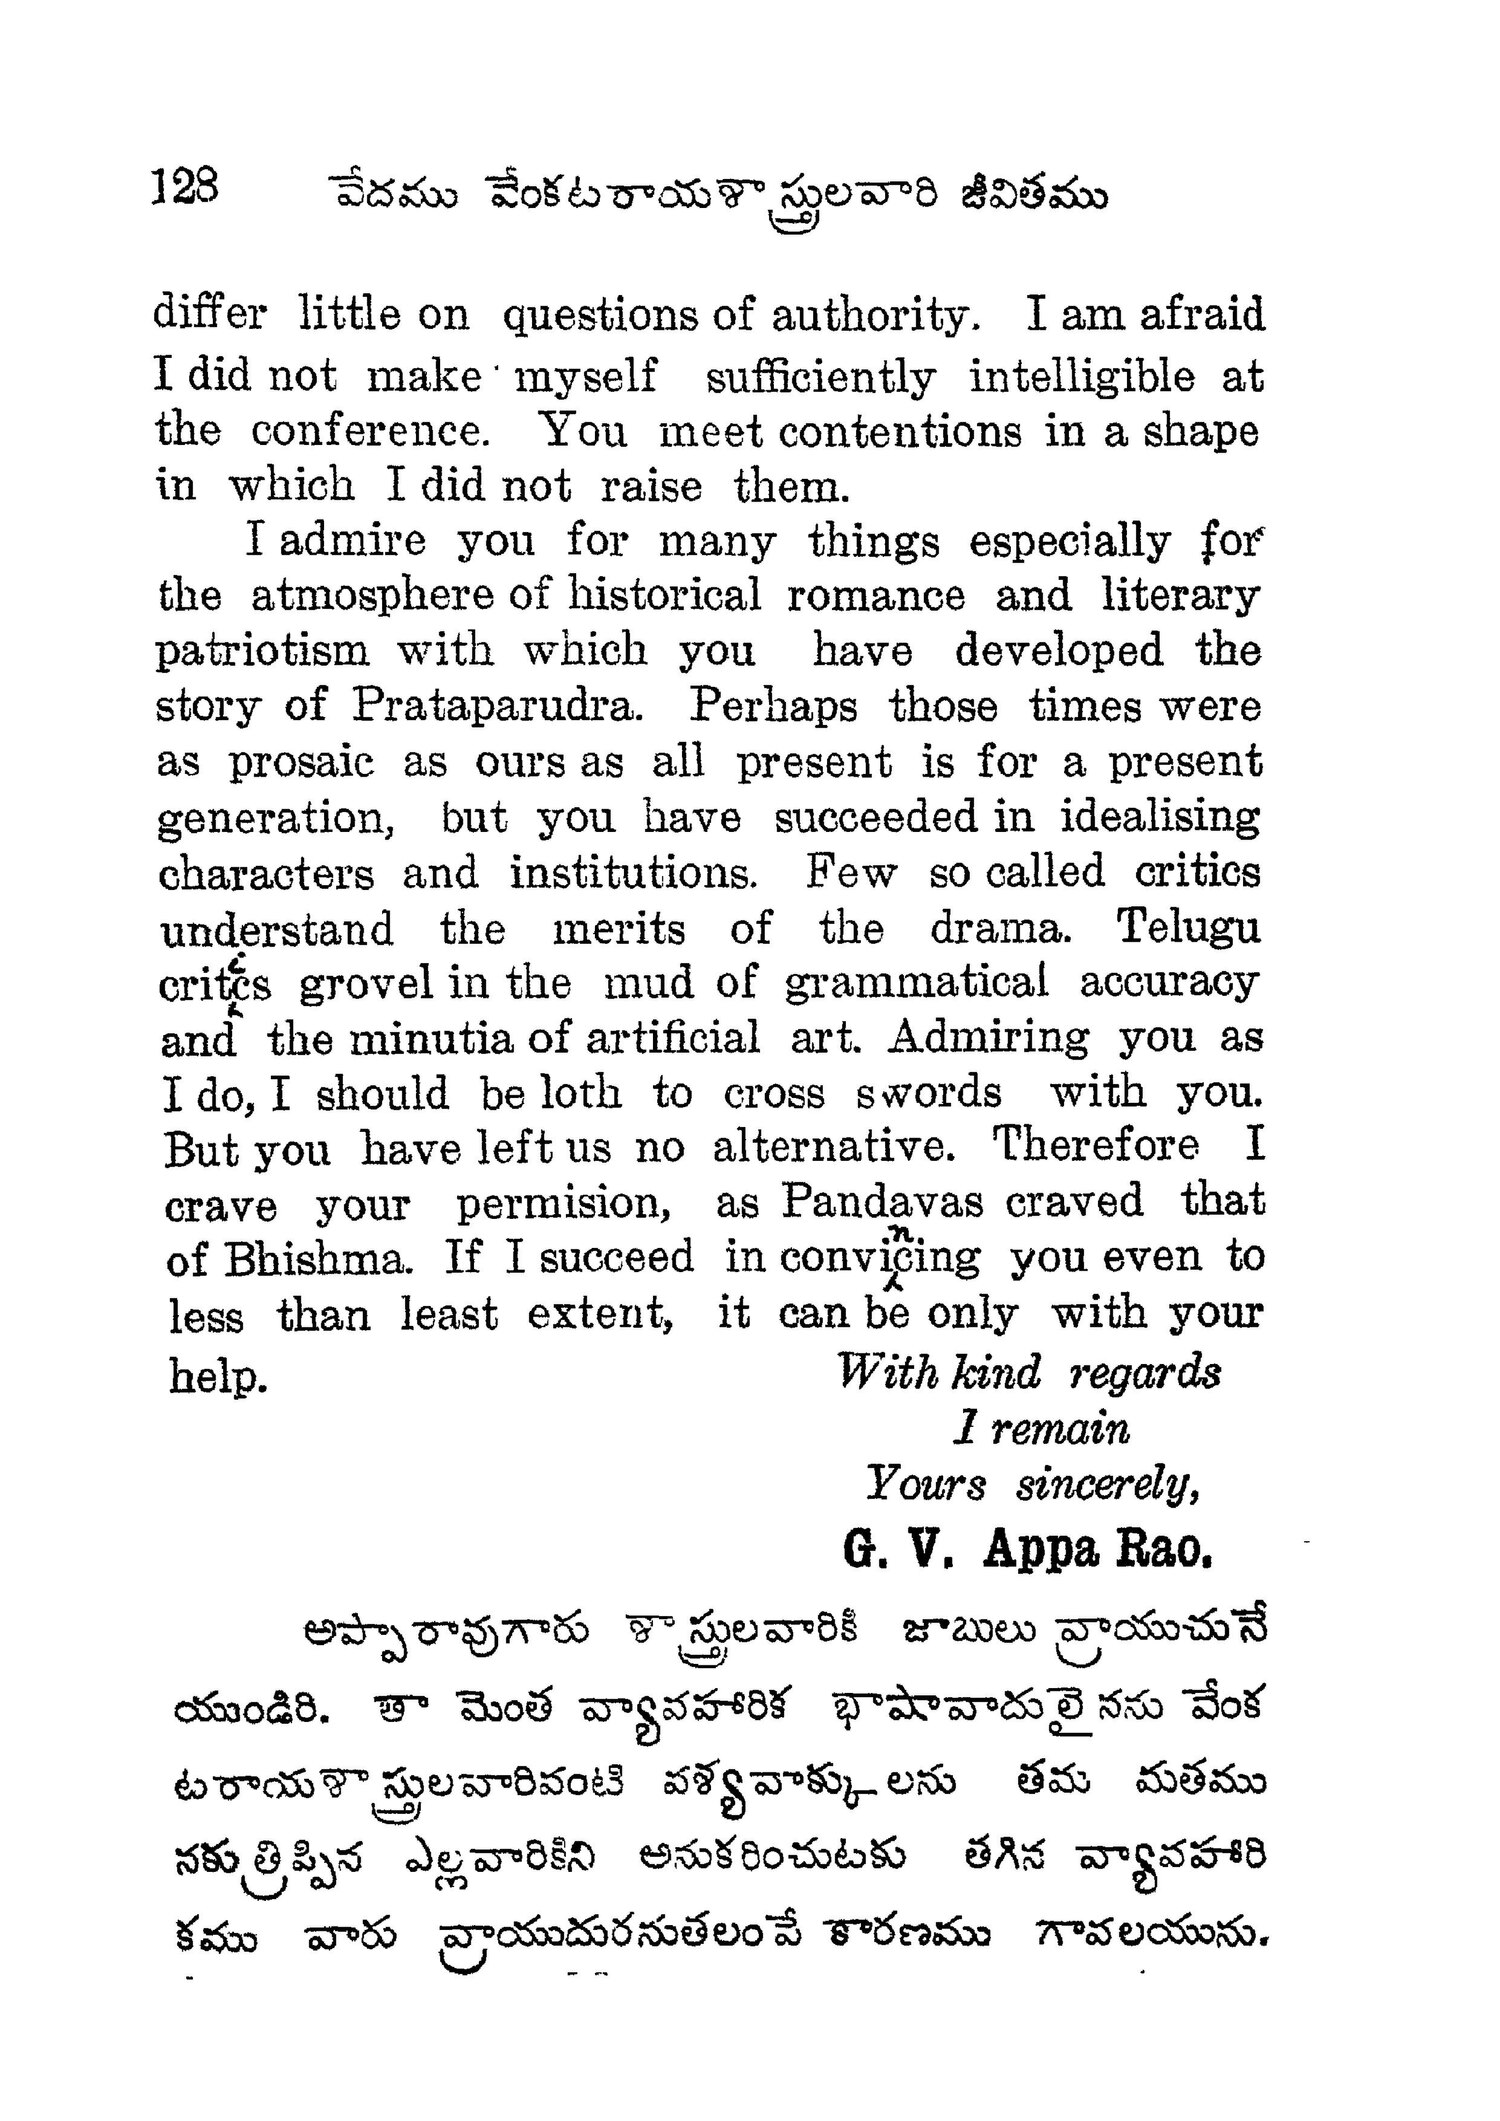differ little on questions of authority. I am afraid I did not make myself sufficiently intelligible at the conference. You meet contentions in a shape in which I did not raise them.

I admire you for many things especially for the atmosphere of historical romance and literary patriotism with which you have developed the story of prataparudra. Perhaps those times were as prosaic as ours as all present is for a present generation, but you have succeeded in idealising characters and institutions. Few so called critics understand the merits of the drama. Telugu critcs grovel in the mud of the grammatical accuracy and the minutia of artificial art. Admiring you as I do, I should be loth to cross awords with you. But you have left us no alternative. therefore I crave your permision, as Pandavas craved that of Bhishma. If I succeed in convincing you even to less than least extent, it can be only with your help.
With kind regards
 I remain
yours sincerely,
 G.V. Appa Rao.

అప్పారావుగారు శాస్త్రులవారికి జాబులు వ్రాయుచునే యుండిరి. తా మెంత వ్యావహారిక భాషావాదులైనను వేంకటరాయశాస్త్రులవారివంటి వశ్యవాక్కులను తమ మతమునకుత్రిప్పిన ఎల్లవారికిని అనుకరించుటకు తగిన వ్యావహారికము వారు వ్రాయుదురనుతలంపే కారణము గావలయును.